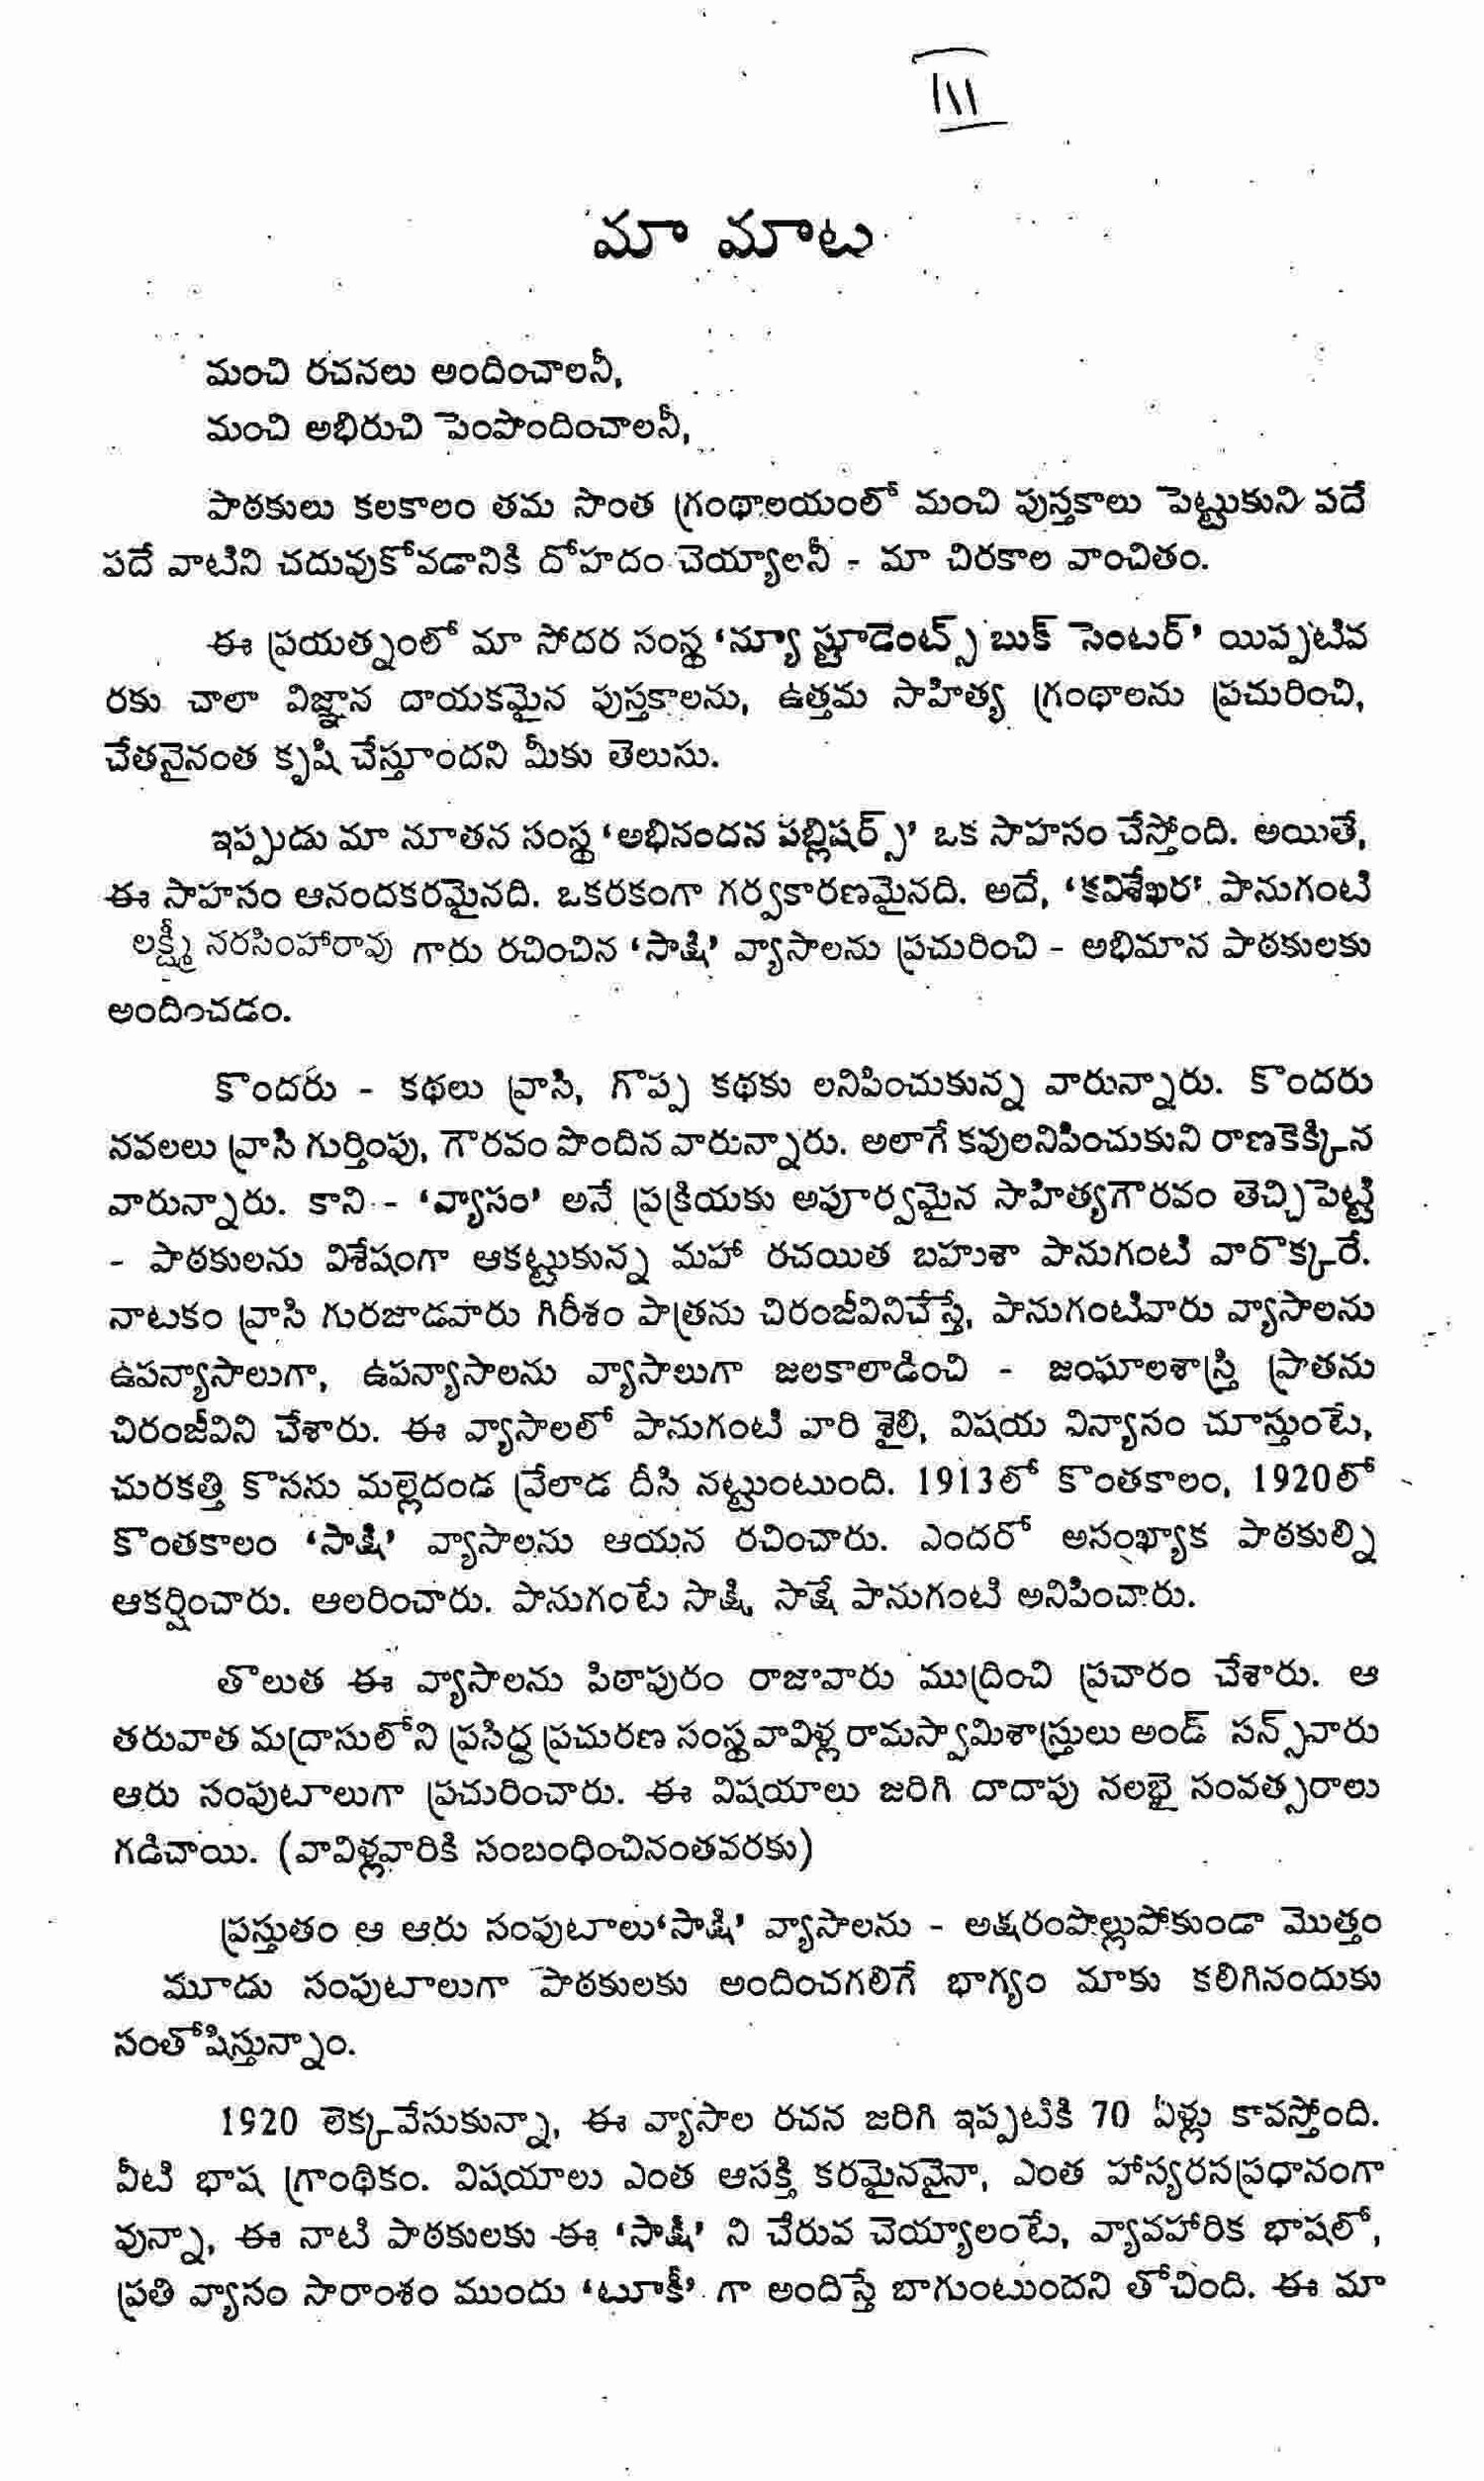మా మాట

మంచి రచనలు అందించాలనీ, 
మంచి అభిరుచి పెంపొందించాలనీ,

పాఠకులు కలకాలం తమ సొంత గ్రంథాలయంలో మంచి పుస్తకాలు పెట్టుకుని పదే పదే వాటిని చదువుకోవడానికి దోహదం చెయ్యాలనీ - మా చిరకాల వాంచితం.

ఈ ప్రయత్నంలో మా సోదర సంస్థ 'న్యూ స్టూడెంట్స్ బుక్ సెంటర్' యిప్పటివరకు చాలా విజ్ఞాన దాయకమైన పుస్తకాలను, ఉత్తమ సాహిత్య గ్రంథాలను ప్రచురించి, చేతనైనంత కృషి చేస్తూందని మీకు తెలుసు.

ఇప్పుడు మా నూతన సంస్థ 'అభినందన పబ్లిషర్స్' ఒక సాహసం చేస్తోంది. అయితే, ఈ సాహసం ఆనందకరమైనది. ఒకరకంగా గర్వకారణమైనది. అదే, 'కవిశేఖర' పానుగంటి లక్ష్మి నరసింహారావు గారు రచించిన 'సాక్షి' వ్యాసాలను ప్రచురించి - అభిమాన పాఠకులకు అందించడం.

కొందరు - కథలు వ్రాసి, గొప్ప కథకు లనిపించుకున్న వారున్నారు. కొందరు నవలలు వ్రాసి గుర్తింపు,
గౌరవం పొందిన వారున్నారు. అలాగే కవులనిపించుకుని రాణకెక్కిన వారున్నారు. కాని - 'వ్యాసం' అనే ప్రక్రియకు అపూర్వమైన సాహిత్యగౌరవం తెచ్చిపెట్టి - పాఠకులను విశేషంగా ఆకట్టుకున్న మహా రచయిత బహుశా పానుగంటి వారొక్కరే. నాటకం వ్రాసి గురజాడవారు గిరీశం పాత్రను చిరంజీవినిచేస్తే, పానుగంటివారు వ్యాసాలను ఉపన్యాసాలుగా, ఉపన్యాసాలను వ్యాసాలుగా జలకాలాడించి - జంఘాలశాస్త్రి ప్రాతను చిరంజీవిని చేశారు. ఈ వ్యాసాలలో పానుగంటి వారి శైలి, విషయ విన్యాసం చూస్తుంటే, చురకత్తి కొసను మల్లెదండ వ్రేలాడ దీసి నట్టుంటుంది. 1913లో కొంతకాలం, 1920లో కొంతకాలం 'సాక్షి' వ్యాసాలను ఆయన రచించారు. ఎందరో అసంఖ్యాక పాఠకుల్ని ఆకర్షించారు. ఆలరించారు. పానుగంటే సాక్షి, సాక్షే పానుగంటి అనిపించారు.

తొలుత ఈ వ్యాసాలను పిఠాపురం రాజావారు ముద్రించి ప్రచారం చేశారు. ఆ తరువాత మద్రాసులోని ప్రసిద్ధ ప్రచురణ సంస్థ వావిళ్ల రామస్వామిశాస్త్రులు అండ్ సన్స్‌వారు ఆరు సంపుటాలుగా ప్రచురించారు. ఈ విషయాలు జరిగి దాదాపు నలభై సంవత్సరాలు గడిచాయి. (వావిళ్లవారికి సంబంధించినంతవరకు)

ప్రస్తుతం ఆ ఆరు సంపుటాలు 'సాక్షి' వ్యాసాలను - అక్షరంపొల్లుపోకుండా మొత్తం మూడు సంపుటాలుగా పాఠకులకు అందించగలిగే భాగ్యం మాకు కలిగినందుకు సంతోషిస్తున్నాం.

1920 లెక్కవేసుకున్నా, ఈ వ్యాసాల రచన జరిగి ఇప్పటికి 70 ఏళ్లు కావస్తోంది. వీటి భాష గ్రాంథికం. విషయాలు ఎంత ఆసక్తి కరమైనవైనా, ఎంత హాస్యరసప్రధానంగా వున్నా, ఈ నాటి పాఠకులకు ఈ 'సాక్షి' ని చేరువ చెయ్యాలంటే, వ్యావహారిక భాషలో, ప్రతి వ్యాసం సారాంశం ముందు 'టూకీ' గా అందిస్తే బాగుంటుందని తోచింది. ఈ మా